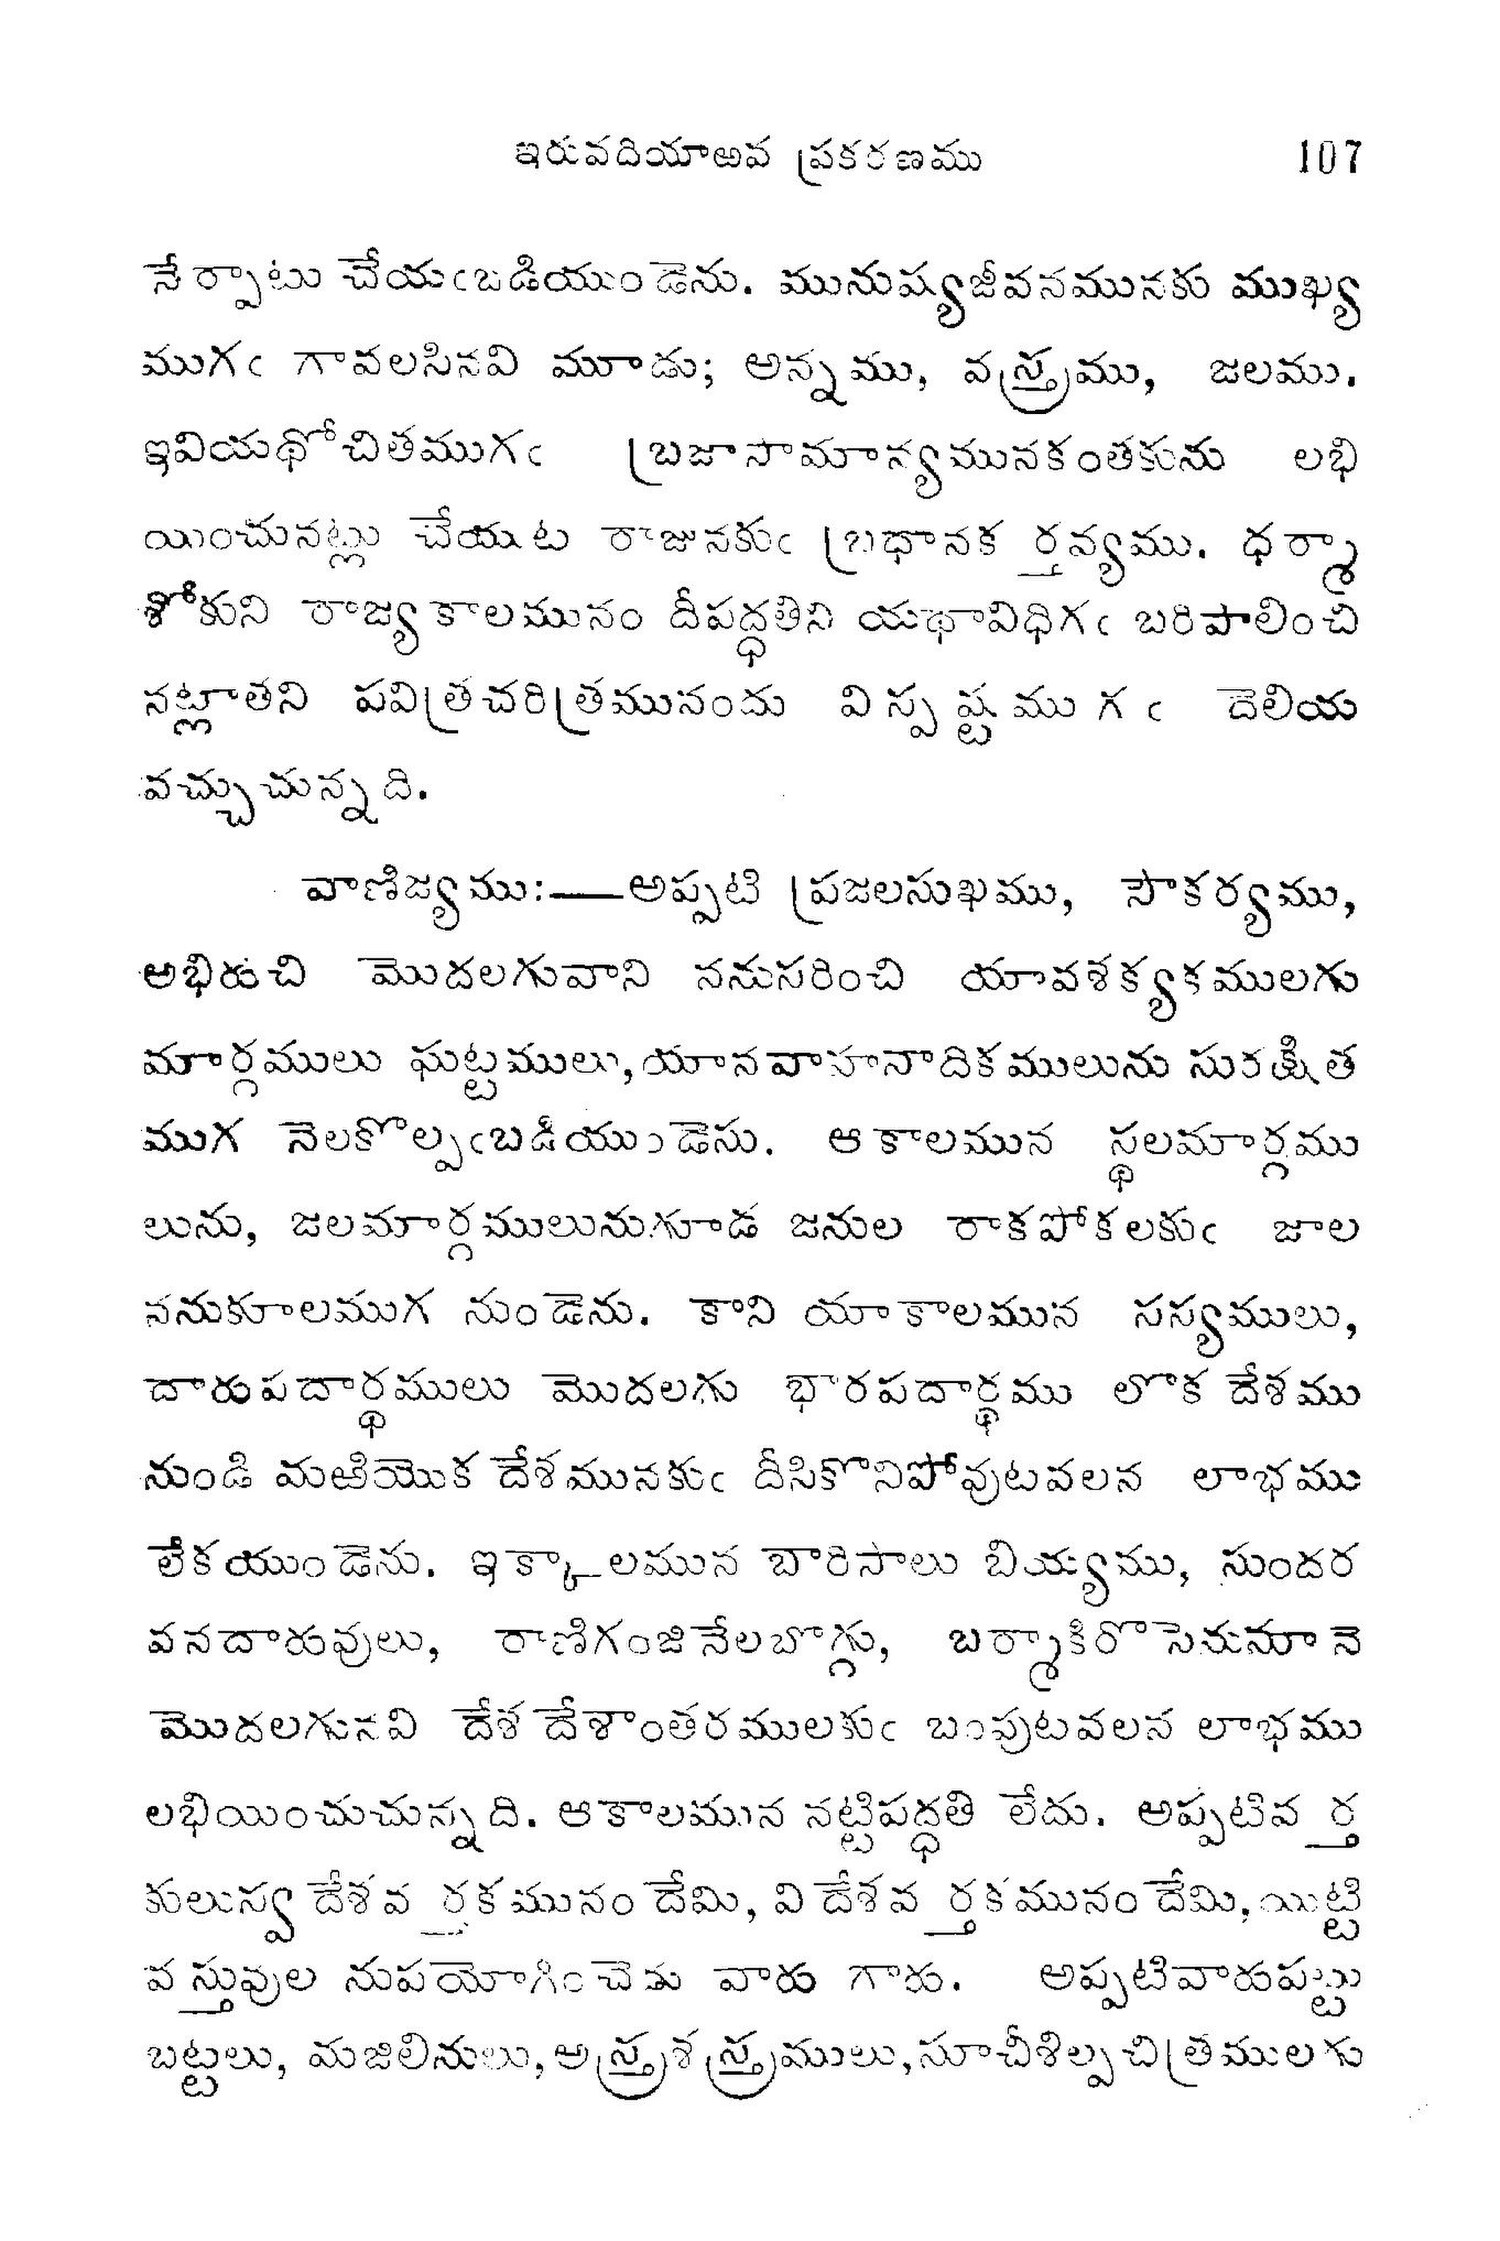నేర్పాటు చేయఁబడియుండెను. మునుష్యజీవనమునకు ముఖ్యముగఁ గావలసినవి మూడు; అన్నము, వస్త్రము, జలము. ఇవియథోచితముగఁ బ్రజా సామాన్యమునకంతకును లభి
యించునట్లు చేయుట రాజునకుఁ బ్రధానకర్తవ్యము, ధర్మాశోకుని రాజ్య కాలమునం దీపద్ధతిని యథావిధిగఁ బరిపాలించి నట్లాతని పవిత్రచరిత్రమునందు విస్పష్టముగఁ దెలియ వచ్చు చున్నది.

వాణిజ్యము:— అప్పటి ప్రజలసుఖము, సౌకర్యము, అభిరుచి మొదలగువాని ననుసరించి యావశక్యకములగు మార్గములు ఘట్టములు, యాన వాహనాదికములును సురక్షితముగ నెలకొల్పఁబడియుండెసు. ఆ కాలమున స్థలమార్గములును, జలమార్గములును గూడ జనుల రాకపోకలకుఁ జాల ననుకూలముగ నుండెను. కాని యా కాలమున సస్యములు,దారు పదార్థములు మొదలగు భారపదార్థము లొక దేశము నుండి మఱియొక దేశమునకుఁ దీసికొనిపోవుటవలన లాభము లేక యుండెను. ఇక్కాలమున బారిసాలు బియ్యము, సుందర
వనదారువులు, రాణిగంజి నేలబొగ్గు, బర్మాకిరొసెను నూనె మొదలగునవి దేశ దేశాంతరములకుఁ బంపుటవలన లాభము లభియించుచున్నది. ఆకాలమున నట్టి పద్ధతి లేదు. అప్పటివర్తకులు స్వదేశవర్తకమునం దేమి, విదేశవ ర్తకమునం దేమి, యిట్టి వస్తువుల నుపయోగించెడు వారు గారు. అప్పటి వారుపట్టు బట్టలు, మజిలినులు, అస్త్రశస్త్రములు, సూచీశిల్ప చిత్రములగు